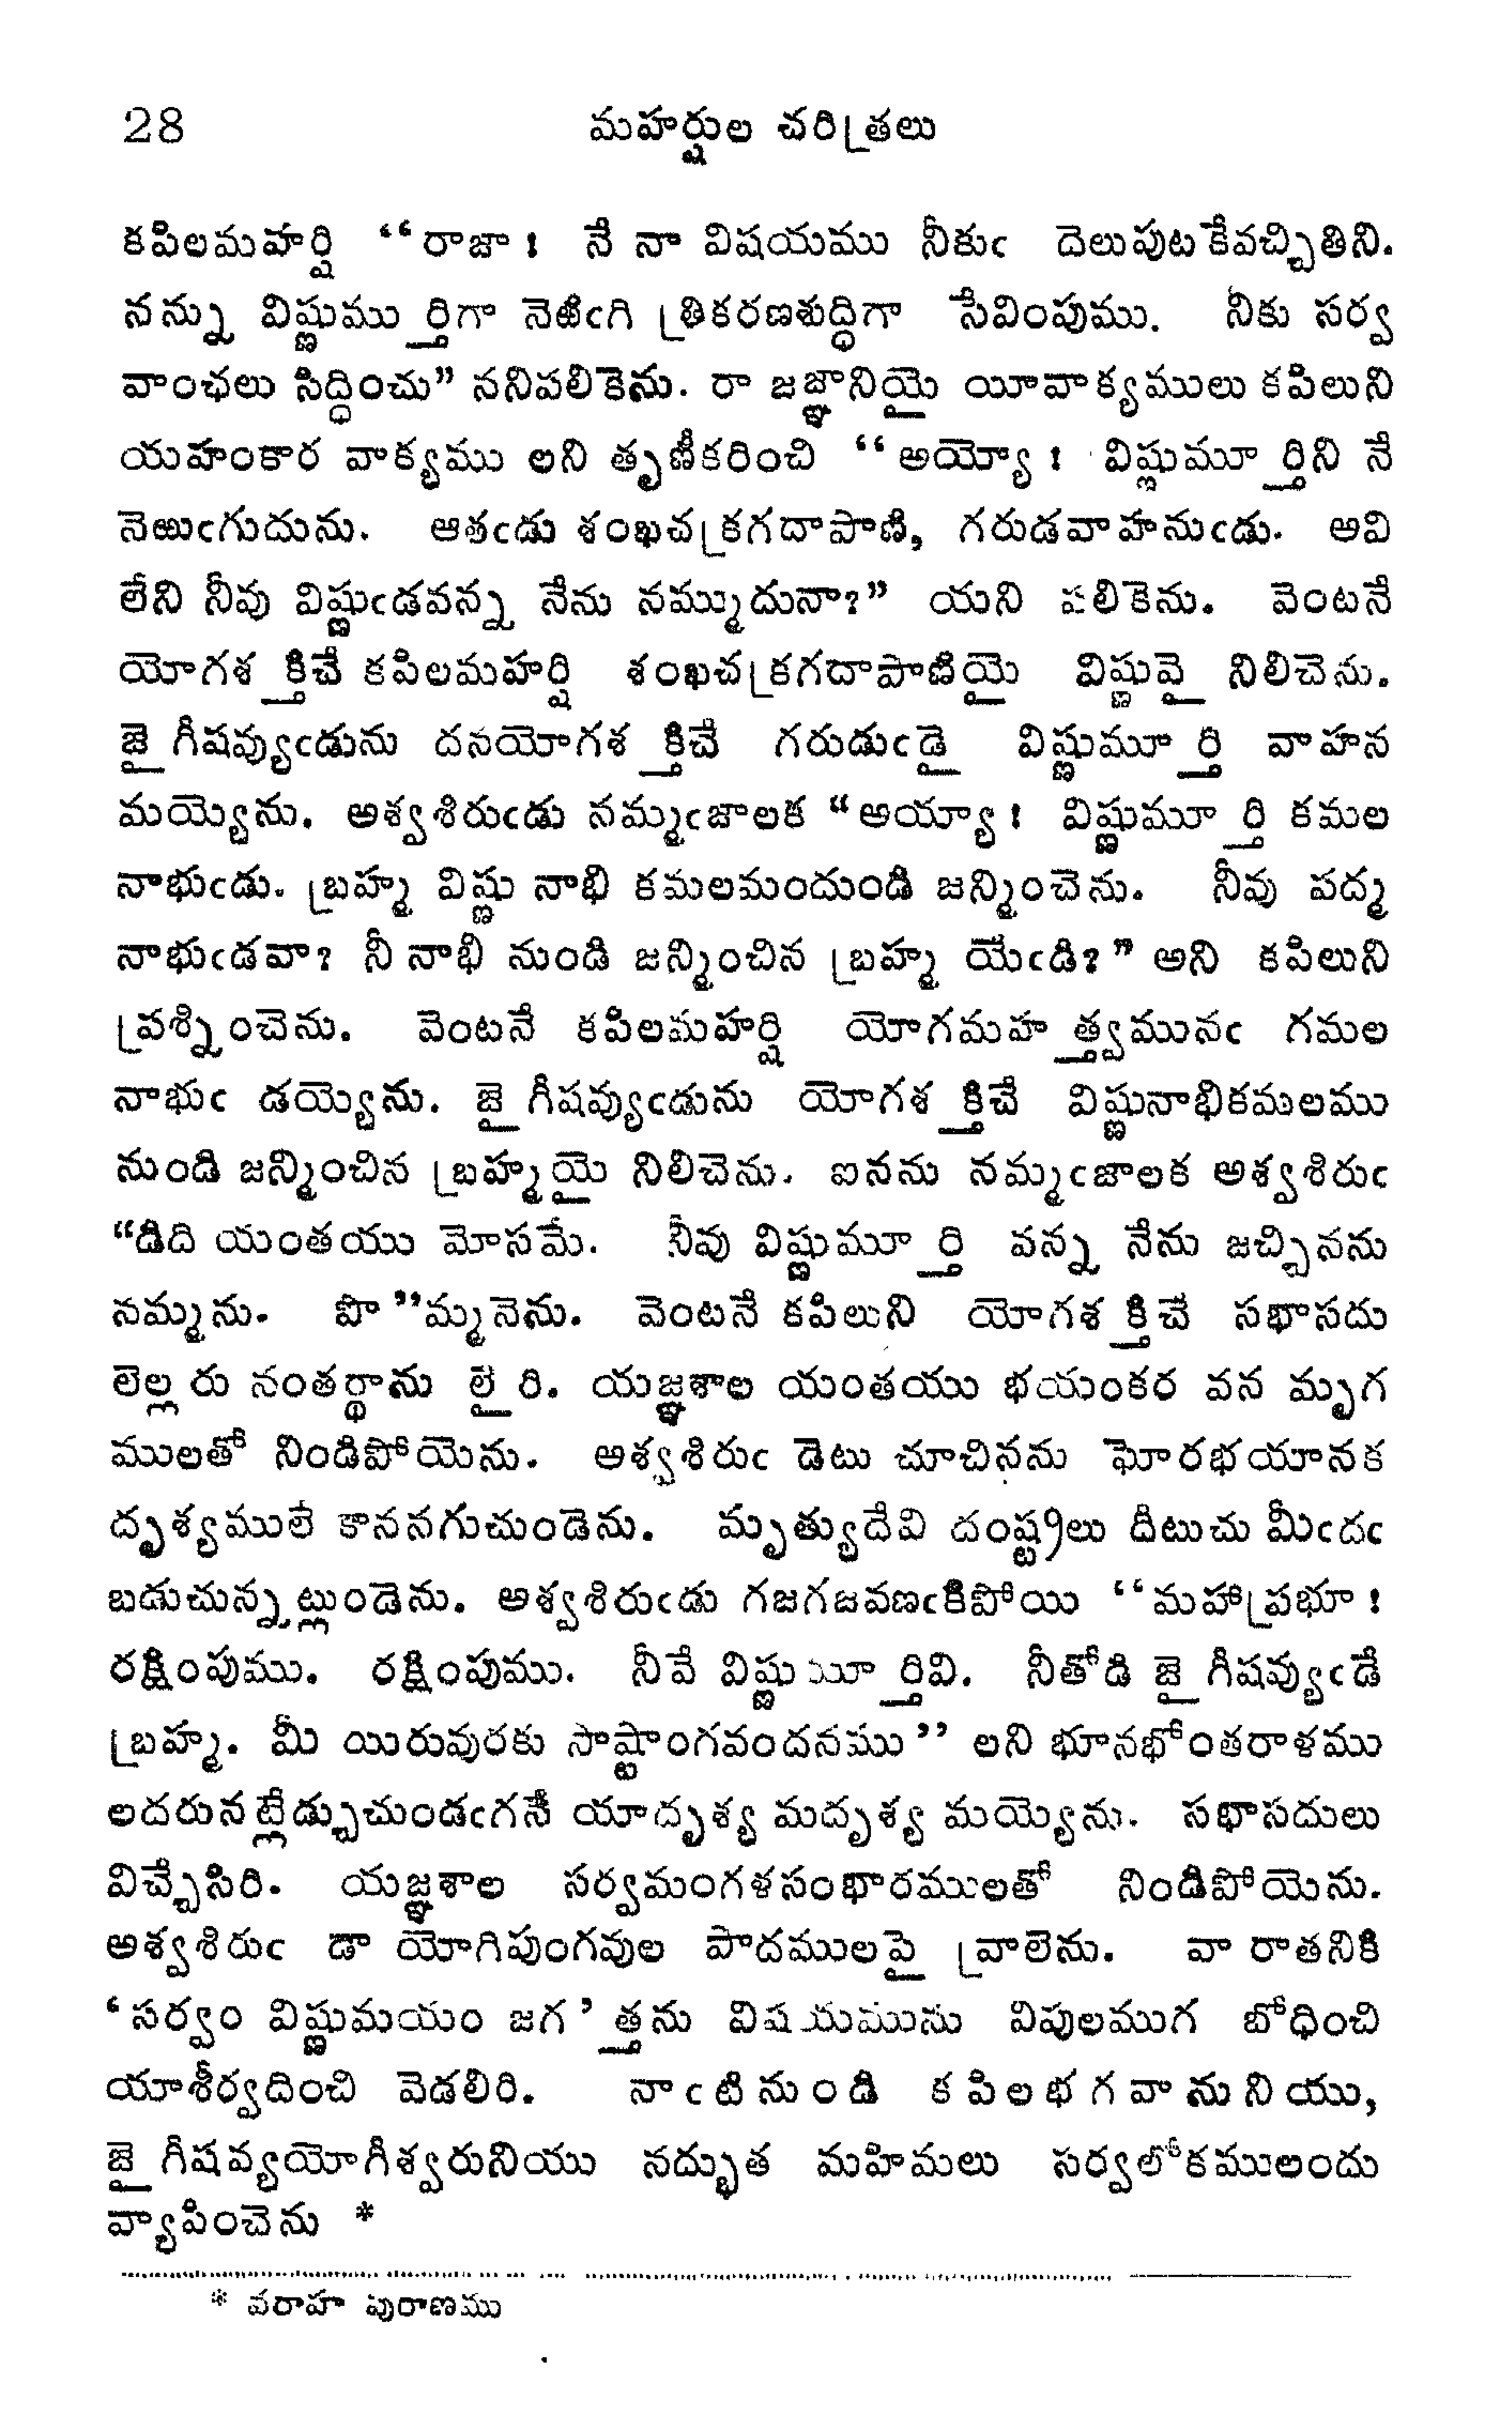కపిలమహర్షి “రాజా! నే నా విషయము నీకుఁ దెలుపుటకేవచ్చితిని. నన్ను విష్ణుముర్తిగా నెఱిఁగి త్రికరణశుద్ధిగా సేవింపుము. నీకు సర్వ వాంఛలు సిద్ధించు" ననిపలికెను. రా జజ్ఞానియై యీవాక్యములు కపిలుని యహంకార వాక్యము లని తృణీకరించి "అయ్యో! విష్ణుమూర్తిని నే నెఱుఁగుదును. ఆతఁడు శంఖచక్రగదాపాణి, గరుడవాహనుఁడు. అవిలేని నీవు విష్ణుఁడవన్న నేను నమ్ముదునా?" యని పలికెను. వెంటనే యోగశక్తిచే కపిలమహర్షి శంఖచక్రగదాపాణియై విష్ణువై నిలిచెను. జై గీషవ్యుఁడును దనయోగశక్తిచే గరుడుఁడై విష్ణుమూర్తి వాహన మయ్యెను. అశ్వశిరుఁడు నమ్మఁజాలక "అయ్యా! విష్ణుమూర్తి కమలనాభుఁడు. బ్రహ్మ విష్ణు నాభి కమలమందుండి జన్మించెను. నీవు పద్మనాభుఁడవా? నీ నాభి నుండి జన్మించిన బ్రహ్మ యేఁడి?" అని కపిలుని ప్రశ్నించెను. వెంటనే కపిలమహర్షి యోగమహత్త్వమునఁ గమలనాభుఁ డయ్యెను. జై గీషవ్యుఁడును యోగశక్తిచే విష్ణునాభికమలము నుండి జన్మించిన బ్రహ్మయై నిలిచెను. ఐనను నమ్మఁజాలక అశ్వశిరుఁ “డిది యంతయు మోసమే. నీవు విష్ణుమూర్తి వన్న నేను జచ్చినను నమ్మను. పొ"మ్మనెను. వెంటనే కపిలుని యోగశక్తిచే సభాసదు లెల్లరు నంతర్జాను లైరి. యజ్ఞశాల యంతయు భయంకర వన మృగములతో నిండిపోయెను. అశ్వశిరుఁ డెటు చూచినను ఘోరభయానక దృశ్యములే కాననగుచుండెను. మృత్యుదేవి దంష్ట్రలు దీటుచు మీఁదఁ బడుచున్నట్లుండెను. అశ్వశిరుఁడు గజగజవణఁకిపోయి “మహాప్రభూ! రక్షింపుము. రక్షింపుము. నీవే విష్ణుఘూ ర్తివి. నీతోడి జై గీషవ్యుఁడే బ్రహ్మ. మీ యిరువురకు సాష్టాంగ వందనము” లని భూనభోంతరాళము లదరునట్లేడ్చుచుండఁగనే యాదృశ్య మదృశ్య మయ్యెను. సభాసదులు విచ్చేసిరి. యజ్ఞశాల సర్వమంగళసంభారములతో నిండిపోయెను. అశ్వశిరుఁ డా యోగిపుంగవుల పాదములపై వ్రాలెను. వా రాతనికి 'సర్వం విష్ణుమయం జగ' త్తను విషయమును విపులముగ బోధించి యాశీర్వదించి వెడలిరి. నాఁటి నుండి కపిల భగవానునియు, జై గీషవ్యయోగీశ్వరునియు నద్భుత మహిమలు సర్వలోకములందు వ్యాపించెను *